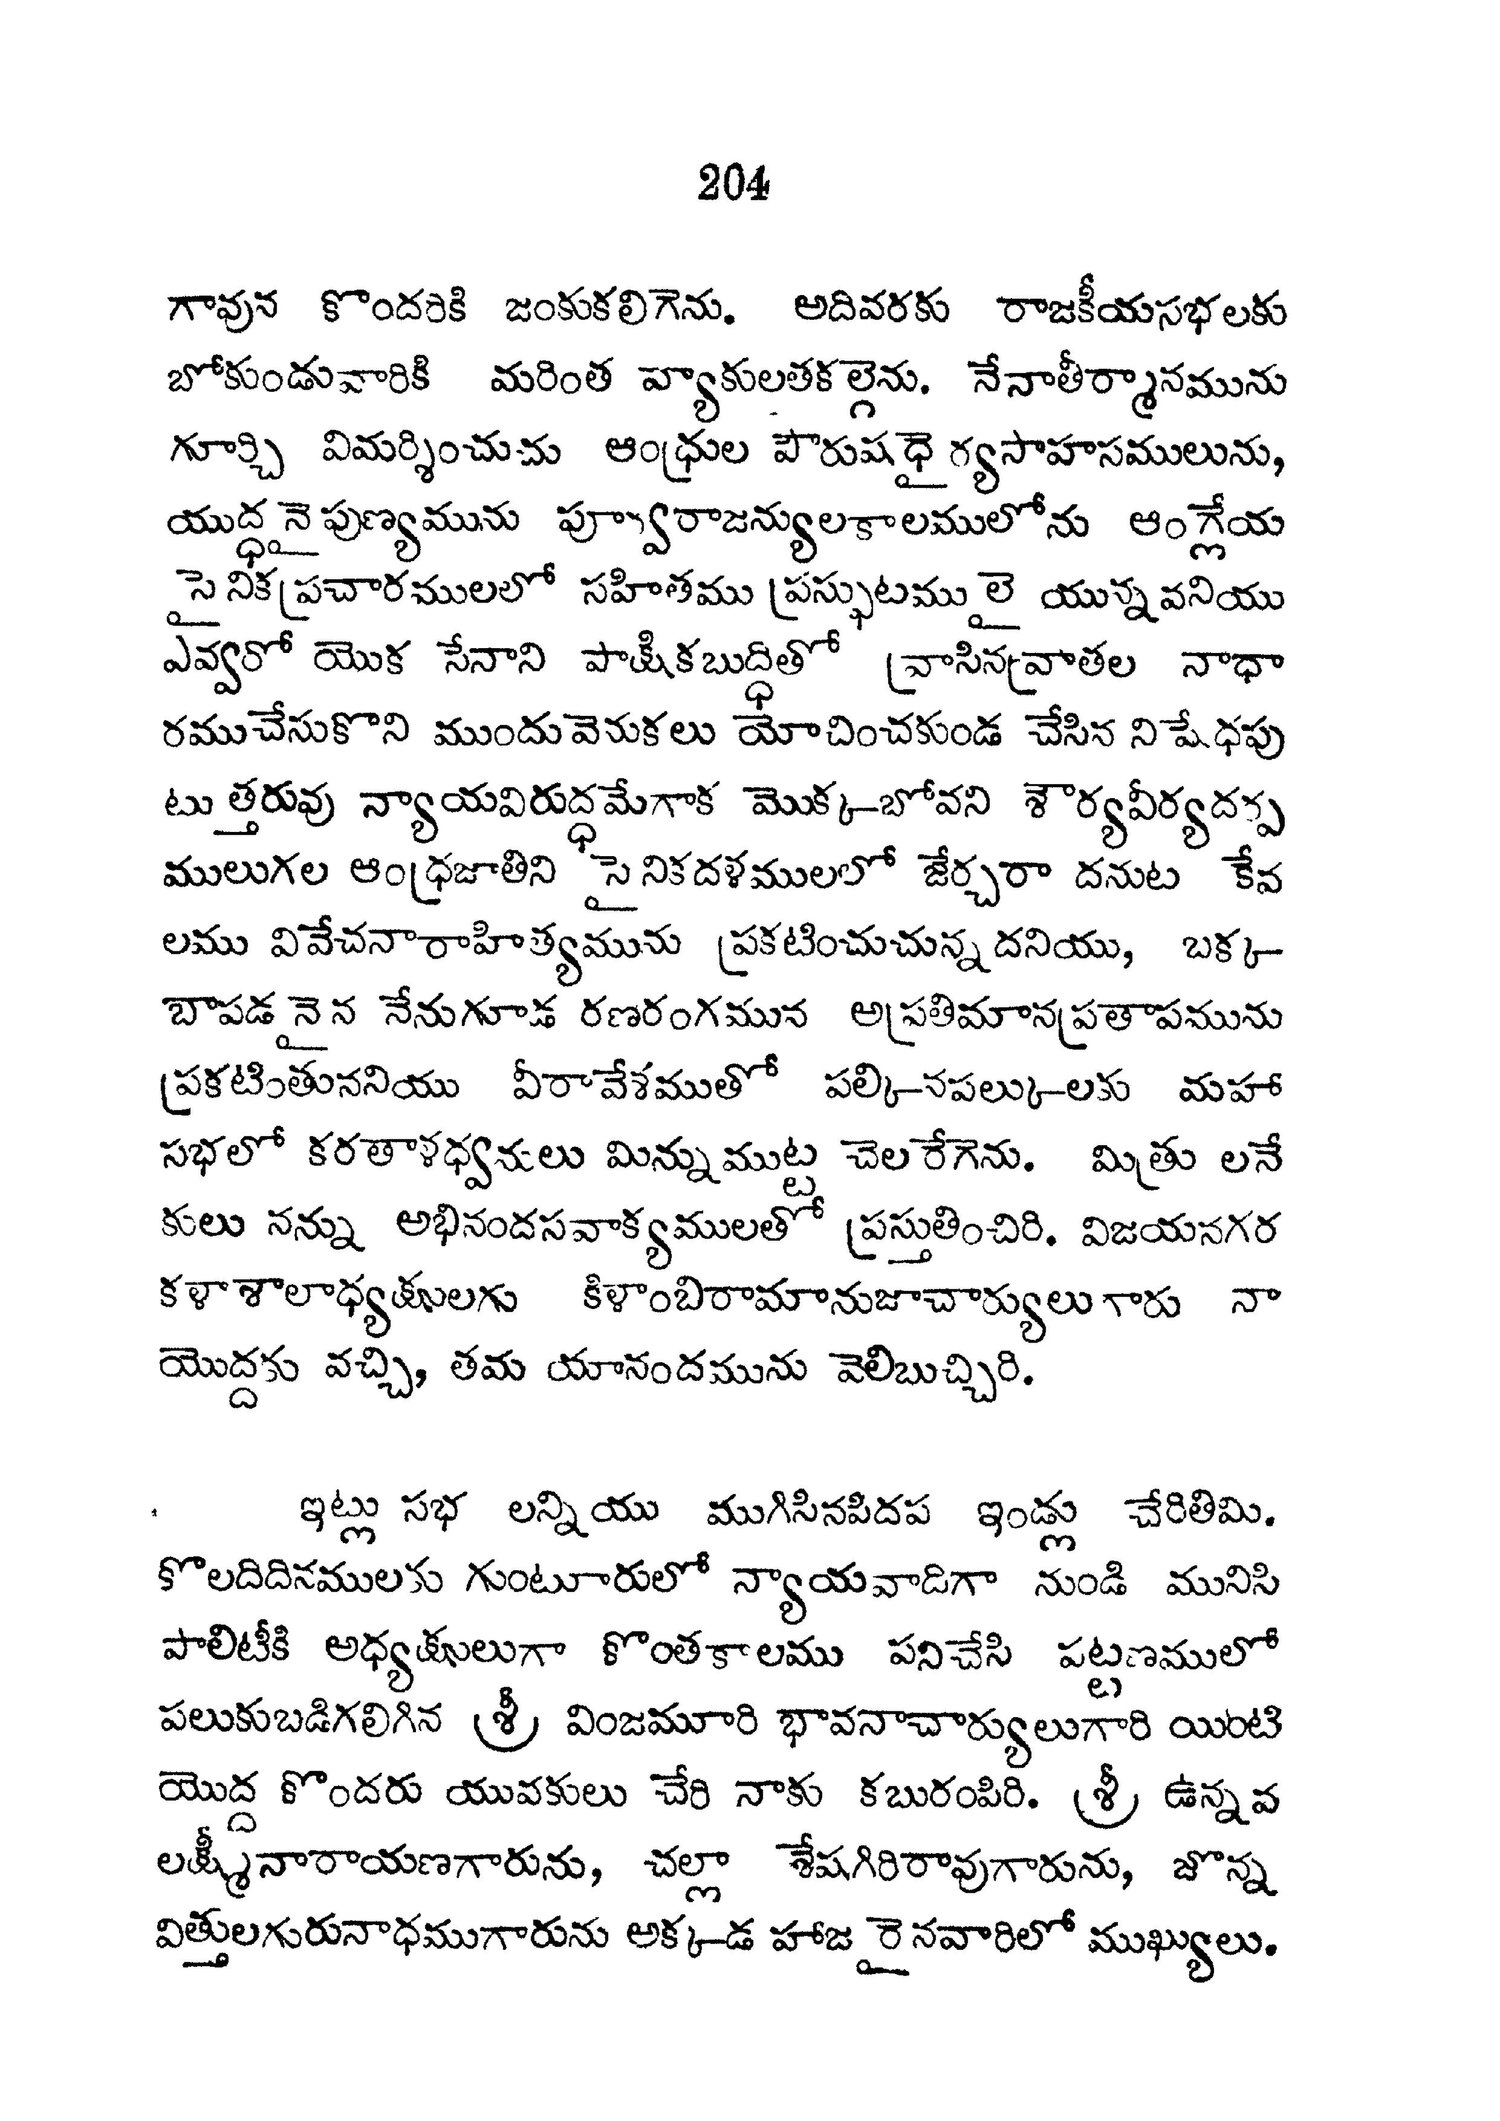గావున కొందరికి జంకుకలిగెను. అదివరకు రాజకీయసభలకు బోకుండువారికి మరింత వ్యాకులతకల్గెను. నేనాతీర్మానమును గూర్చి విమర్శించుచు ఆంధ్రుల పౌరుషధైర్యసాహసములును, యుద్ధనైపుణ్యమును పూర్వరాజన్యులకాలములోను ఆంగ్లేయసైనికప్రచారములలో సహితము ప్రస్ఫుటములై యున్నవనియు ఎవ్వరో యొక సేనాని పాక్షికబుద్ధితో వ్రాసినవ్రాతల నాధారముచేసుకొని ముందువెనుకలు యోచించకుండ చేసిన నిషేధపుటుత్తరువు న్యాయవిరుద్ధమేగాక మొక్కబోవని శౌర్యవీర్యదర్పములుగల ఆంధ్రజాతిని సైనికదళములలో జేర్చరా దనుట కేవలము వివేచనారాహిత్యమును ప్రకటించుచున్నదనియు, బక్క బాపడనైన నేనుగూడ రణరంగమున అప్రతిమానప్రతాపమును ప్రకటింతుననియు వీరావేశముతో పల్కినపల్కులకు మహాసభలో కరతాళధ్వనులు మిన్నుముట్ట చెలరేగెను. మిత్రు లనేకులు నన్ను అభినందనవాక్యములతో ప్రస్తుతించిరి. విజయనగర కళాశాలాధ్యక్షులగు కిళాంబిరామానుజాచార్యులుగారు నా యొద్దకు వచ్చి, తమ యానందమును వెలిబుచ్చిరి.

ఇట్లు సభ లన్నియు ముగిసినపిదప ఇండ్లు చేరితిమి. కొలదిదినములకు గుంటూరులో న్యాయవాదిగా నుండి మునిసిపాలిటీకి అధ్యక్షులుగా కొంతకాలము పనిచేసి పట్టణములో పలుకుబడిగలిగిన శ్రీ వింజమూరి భావనాచార్యులుగారి యింటి యొద్ద కొందరు యువకులు చేరి నాకు కబురంపిరి. శ్రీ ఉన్నవ లక్ష్మీనారాయణగారును, చల్లా శేషగిరిరావుగారును, జొన్నవిత్తులగురునాధముగారును అక్కడ హాజరైనవారిలో ముఖ్యులు.